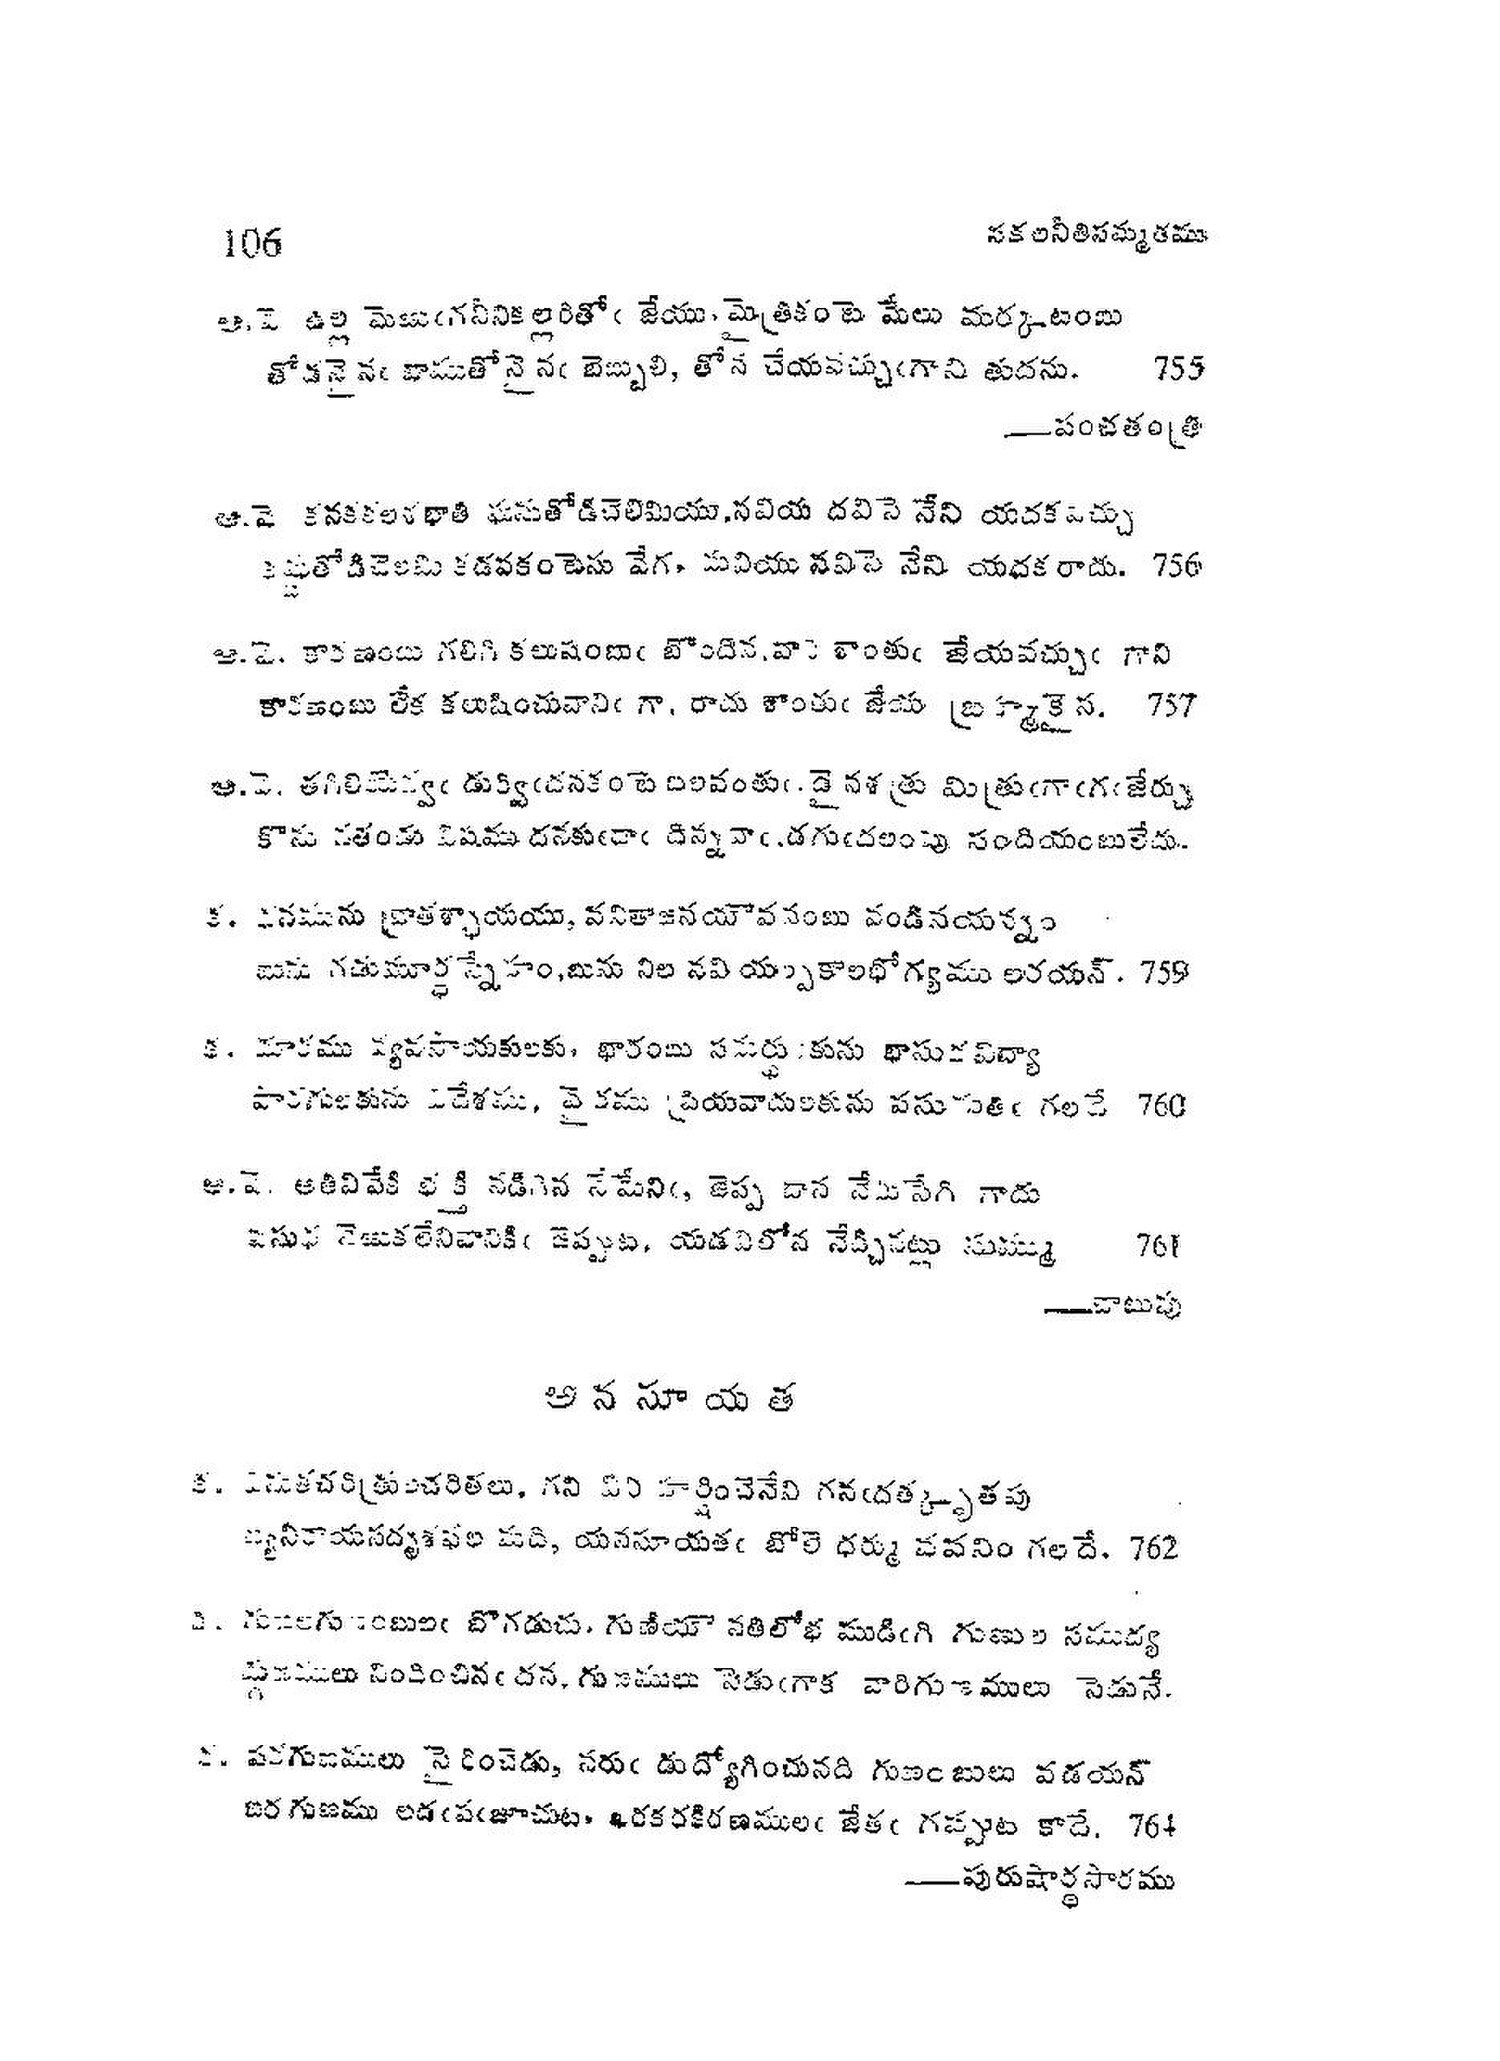ఆ. ఉల్ల మెఱుఁగనీని కల్లరితోఁ జేయు
మైత్రికంటె మేలు మర్కటంబు
తోడనైనఁ బాముతోనైనఁ బెబ్బులి
తోన చేయవచ్చుఁగాని తుదకు. 755

ఆ. కనకకలశభాతి ఘనుతోడి చెలిమియు
నవియ దవిసె నేని యదకవచ్చు
కష్టుతోడి చెలమి కడవకంటెను వేగ
మవియు నవిసె నేని యదకరాదు. 756

ఆ. కారణంబు గలిగి కలుషంబుఁ బొందిన
వాని శాంతుఁ జేయవచ్చుఁ గాని
కారణంబు లేక కలుషించువానిఁ గా
రాదు శాంతుఁ జేయ బ్రహ్మకైన. 757

ఆ. తగిలి యెవ్వఁ డుర్విఁ దనకంటె బలవంతుఁ
డైన శత్రు మిత్రుఁ గాఁగఁ జేర్చు
కొను నతండు విషము దనకుఁదాఁ దిన్నవాఁ 
డగు దలంపు సందియంబు లేదు. 758

క. ధనమును బ్రాతశ్ఛాయయు
వనితాజనయౌవనంబు వండిన యన్నం
బును గడు మూర్ఖస్నేహం
బును నిల నవి యల్పకాలభోగ్యము లరయన్. 759

క. దూరము వ్యవసాయకులకు
భారంబు సమర్థులకును భాసురవిద్యా
పారగులకును విదేశము
వైరము ప్రియవాదులకును వసుమతిఁ గలదే. 760

ఆ. అతివివేకి భక్తి నడిగిన నే మేనిఁ
జెప్ప దాన నేమి సేగి గాదు
వసుధ నెఱుకలేనివానికిఁ జెప్పుట
యడవిలోన నేడ్చినట్లు సుమ్ము. 761

క. వినుతచరిత్రులచరితలు
గని విని హర్షించెనేని గనఁ దత్కృతపు
ణ్యనికాయసదృశఫల మది
యనసూయతఁ బోలె ధర్ము వవనిం గలదే. 762

క. గుణలగుణంబులఁ బొగడుచు
గుణియౌ నతిలోభ ముడిఁగి గుణుల సముద్య
ద్గుణములు నిందించినఁ దన
గుణములు సెడుఁ గాక వారి గుణములు సెడునే. 763

క. పరగుణములు సైరించెడు
నరుఁ డుద్యోగించునది గుణంబులు వడయన్
బర గుణము లడఁపఁజూచుట
ఖరకరకిరణములఁ జేతఁ గప్పుట కాదే. 764